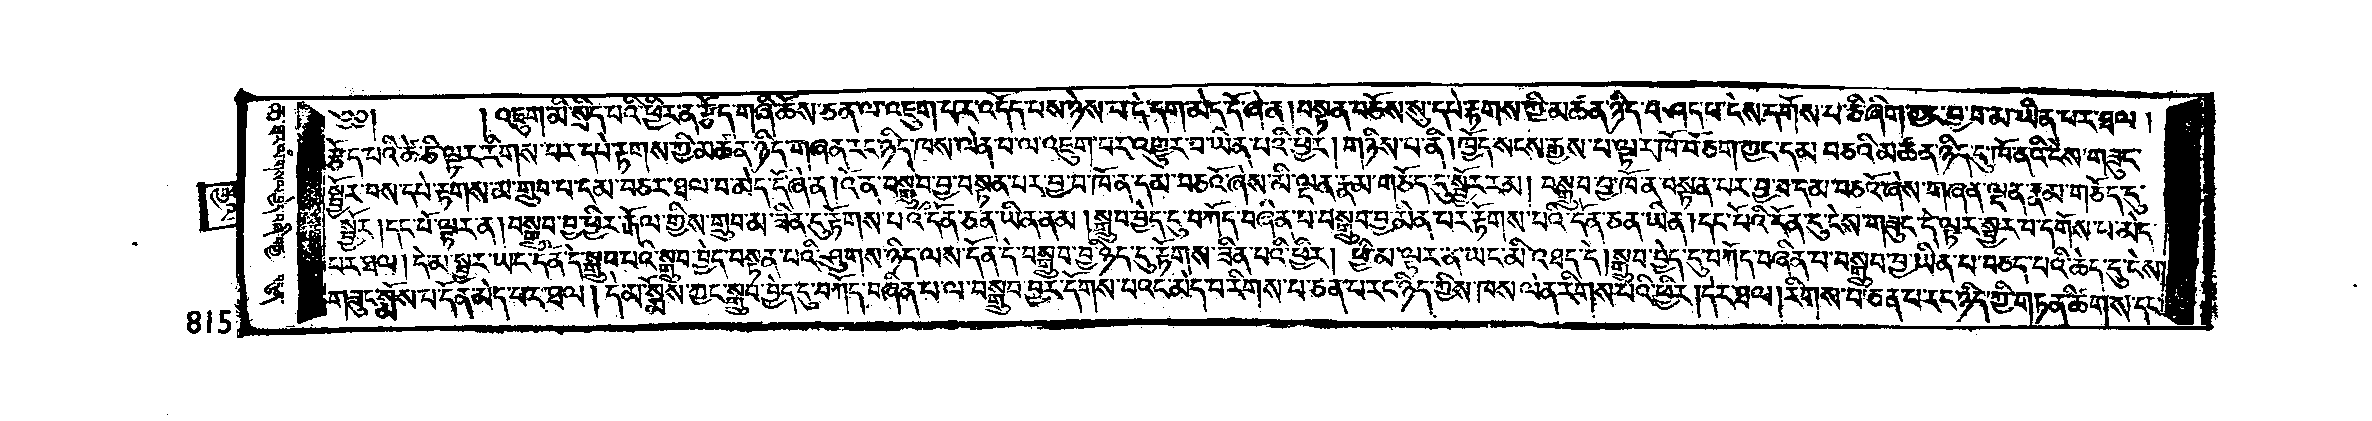༄༅། །འཇུག་མི་སྲིད་པའི་ཕྱིར་ན་རྩོད་གཞི་ཆོས་ཅན་ལ་འཇུག་པར་འདོད་པས་ཉེས་པ་དེ་དག་མེད་དོ་ཞེ་ན། བསྟན་བཅོས་སུ་དཔེ་རྟགས་ཀྱི་མཚན་ཉིད་བཤད་པ་དེས་དགོས་པ་ཅི་ཞིག་ཀྱང་བྱ་བ་མ་ཡིན་པར་ཐལ།
རྩོད་པའི་ཚེ་ཅི་ལྟར་རིགས་པར་དཔེ་རྟགས་ཀྱི་མཚན་ཉིད་གཞན་རང་ཉིད་ཁས་ལེན་པ་ལ་འཇུག་པར་འགྱུར་བ་ཡིན་པའི་ཕྱིར། གཉིས་པ་ནི། ཁྱོད་སངས་རྒྱས་པ་ལྟར་ཁོ་བོ་ཅག་ཀྱང་དམ་བཅའི་མཚན་ཉིད་དུ་ཁོ་ནའི་ངེས་གཟུང་
སྦྱོར་བས་དཔེ་རྟགས་མ་གྲུབ་པ་དམ་བཅར་ཐལ་བ་མེད་དོ་ཞེ་ན། འོ་ན་བསྒྲུབ་བྱ་བསྟན་པར་བྱ་བ་ཁོ་ན་དམ་བཅའོ་ཞེས་མི་ལྡན་རྣམ་གཅོད་དུ་སྦྱོར་རམ། བསྒྲུབ་བྱ་ཁོ་མ་བསྟན་པར་བྱ་བ་དམ་བཅའོ་ཞེས་གཞན་ལྡན་རྣམ་གཅོད་དུ་
སྦྱོར། དང་པོ་ལྟར་ན། བསྒྲུབ་བྱ་ཕྱིར་རྒོལ་གྱིས་གྲུབ་མ་ཟིན་དུ་རྟོགས་པའི་དོན་ཅན་ཡིན་ནམ། སྒྲུབ་བྱེད་དུ་བཀོད་བཞིན་པ་བསྒྲུབ་བྱ་མིན་པར་རྟོགས་པའི་དོན་ཅན་ཡིན། དང་པོའི་དོན་དུ་ངེས་གཟུང་དེ་ལྟར་སྦྱར་བ་དགོས་པ་མེད་
པར་ཐལ། དེ་མ་སྦྱར་ཡང་དོན་དེ་སྒྲུབ་པའི་སྒྲུབ་བྱེད་བསྟན་པའི་ཤུགས་ཉིད་ལས་དོན་དེ་བསྒྲུབ་བྱ་ཉིད་དུ་རྟོགས་ཟིན་པའི་ཕྱིར། ཕྱི་མ་ལྟར་ན་ཡང་མི་འཐད་དེ། སྒྲུབ་བྱེད་དུ་བཀོད་བཞིན་པ་བསྒྲུབ་བྱ་ཡིན་པ་བཅད་པའི་ཆེད་དུ་ངེས་
གཟུང་སྨོས་པ་དོན་མེད་པར་ཐལ། དེ་མ་སྨོས་ཀྱང་སྒྲུབ་བྱེད་དུ་བཀོད་བཞིན་པ་ལ་བསྒྲུབ་བྱར་དོགས་པའང་མེད་པ་རིགས་པ་ཅན་པ་རང་ཉིད་ཀྱིས་ཁས་ལེན་རིགས་པའི་ཕྱིར། དེར་ཐལ། རིགས་པ་ཅན་པ་རང་ཉིད་ཀྱི་གཏན་ཚིགས་དང་